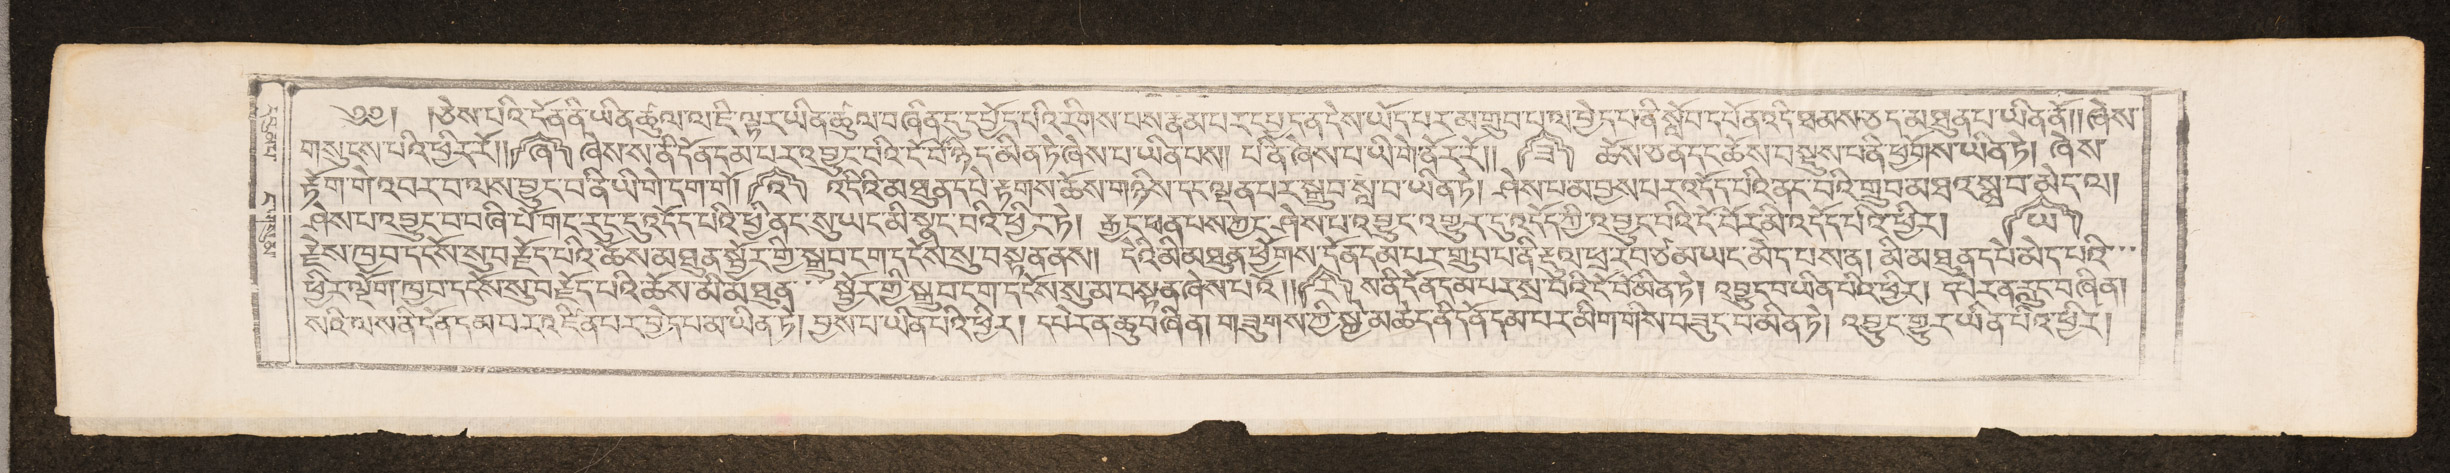༄༅། །ཅེས་པའི་དོན་ནི་ཡིན་ཚུལ་ལ་ཇི་ལྟར་ཡིན་ཚུལ་བཞིན་དུ་དཔྱོད་པའི་རིགས་པས་རྣམས་པྲ་དཔྱད་ན་དེས་ཡོད་པར་མ་གྲུབ་པ་ལ་བྱེ་དཔ་ནི་སློབ་དཔོན་འདྲི་ཐམས་ཅད་མཐུན་པ་ཡིན་ནོ། །ཞེས་
གསུངས་པའི་ཕྱིར་རོ།། ༼༽ཞ༼༽ ཞེས་ས་ནི་དོན་དམ་པར་འབྱུང་བའི་ངོ་བོ་ཉིད་མིན་ཏེ་ཞེས་པ་ཡིན་པས་། ། པ་ནི་ཞེས་པ་ཡིན་གོ་ནོར་རོ།། ༼༽ཟ༼༽ ཆོས་ཅན་དང་ཆོས་བདུད་པ་ནི་ཕྱོགས་ཡིན་ཏེ། ཞེས་
རྟོག་གེ་འབར་བ་ལས་བྱུང་བ་ནི་ཡི་གེ་དག་གོ། ༼༽ཝ༼༽ འདིའི་མཐུན་དཔེ་རྟགས་ཆོས་གཉིས་དང་ལྡན་པར་སྒྲུབ་སླ་བ་ཡིན་ཏེ། ཤེས་པ་མ་བྱས་པར་འདོད་པའི་བར་གྲུབ་མཐའ་སྨྲ་བ་མེད་ལ་
ཤེས་པ་འབྱུང་བ་བཞི་པོ་གང་རུང་དུ་འདོད་པའི་ཕྱི་ནང་སུ་ཡང་མི་སྣང་བའི་ཕྱིར་ཏེ། རྒྱད་ཕན་པས་ཀྱང་ཤེས་པ་འབྱུང་འགྱུར་དུ་འདོད་ཀྱི་འབྱུང་བའི་ངོ་བོར་མི་འདོད་པའི་ཕྱིར། ༼༽ཡ༼༽
རྗེས་ཁྱབ་དངོས་སུ་རྗོད་པའི་ཆོས་མཐུན་སྦྱོར་གྱི་སྒྲུབ་དག་དངོས་སུ་བསྟན་ནས། དེའི་མཐུན་ཕྱོགས་དོན་དམ་པར་གྲུབ་པ་ནི་རྡུལ་ཕྲ་རབ་ཙམ་ཡང་མེད་པས་ན། མི་མཐུན་དཔེ་མེད་པའི་
ཕྱིར་ལྡོག་ཁྱབ་དངོས་སུ་བརྗོད་པའི་ཆོས་མི་མཐུན། སྦྱོར་གྱི་སྒྲུབ་དག་དངོས་སུ་མ་བསྟན་ཞེས་པའོ།། ༼༽ར༼༽ ས་ནི་དམ་པར་ས་བའི་ངོ་བོ་མིན་ཏེ། །འབྱུང་བའི་ཡིན་ཕྱིར་། །དཔེར་ན་རླུང་བཞིན།
སའི་ལས་ནི་དོན་དམ་པར་འཛིན་པར་བྱེད་པ་མ་ཡིན་ཏེ། བྱས་པ་ཡིན་པའི་ཕྱིར། དཔེར་ན་ཆུབ་བཞིན། གཟུགས་ཀྱི་སྐྱེ་མཆེད་ནི་དོན་དམ་པར་མིག་གིས་བཟུང་བ་མིན་ཏེ་། །འབྱུང་གྱུར་ཡིན་པའི་ཕྱིར།